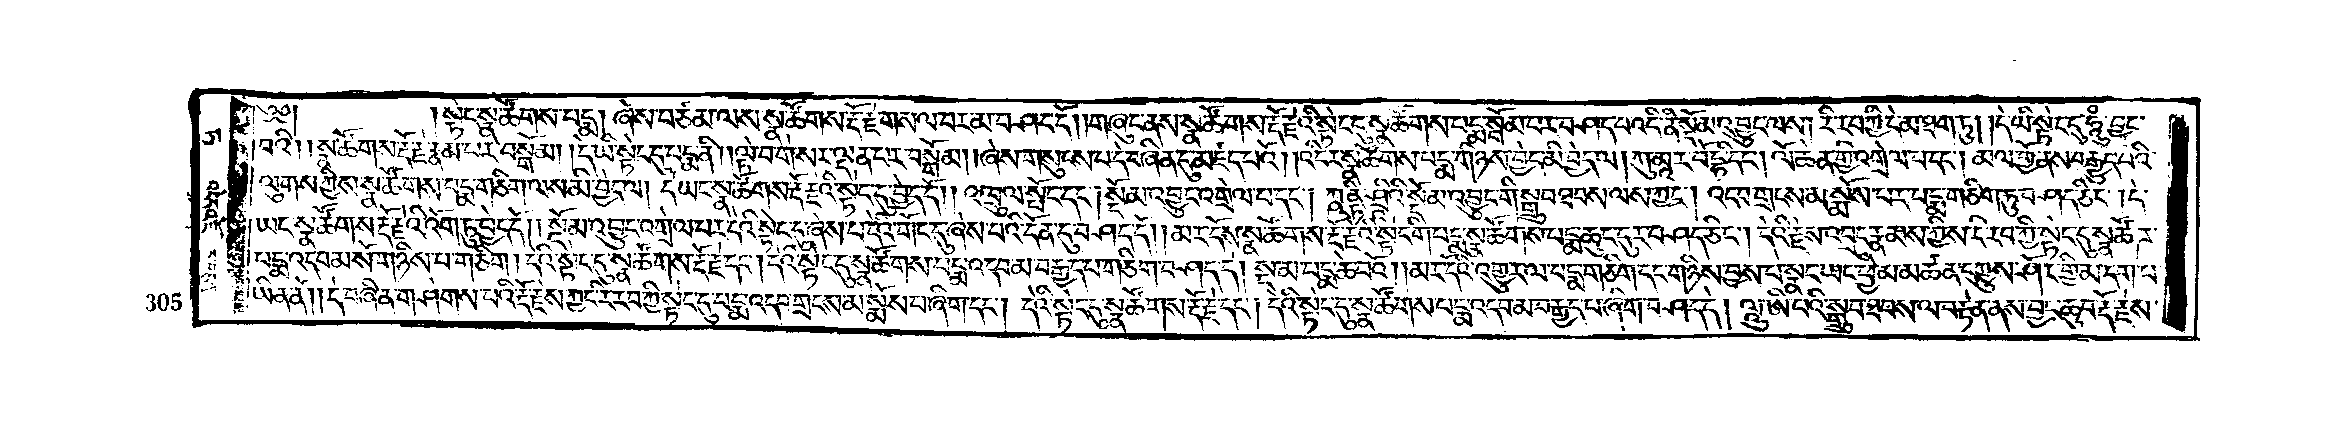༄༅། །སྟེང་སྣ་ཚོགས་པདམ། ཞེས་པ་ཙམ་ལས་སྣ་ཚོགས་རྡོ་རྗེ་གསལ་བར་མ་བཤད་དོ། །གཞུང་ནས་སྣ་ཚོགས་རྡོ་རྗེའི་སྟེང་དུ་སྣ་ཚོགས་པདམ་སྒོམ་པར་བཤད་པ་འདི་ནི་སྡོམ་འབྱུང་ལས། རི་རབ་ཀྱི་དེ་མ་ཐག་ཏུ། །དེ་ཡི་སྟེང་དུ་ཧཱུཾ་བྱུང་
བའི། །སྣ་ཚོགས་རྡོ་རྗེ་རྣམ་པར་བསྒོམ། །དེ་ཡི་སྟེང་དུ་པདམ་ནི། །ལྟེ་བ་གེ་སར་ལྡན་པར་བསྒོམ། །ཞེས་གསུངས་པ་དེ་བཞིན་དུ་མཛད་པའོ། །འདིར་སྣ་ཚོགས་པདམ་གཉིས་བྱེད་མི་བྱེད་ལ། ཀུ་མཱ་ར་བོ་དྷི་དང་། ལོ་ཆེན་གྱི་འགྲེལ་པ་དང་། མལ་གྱོ་ནས་བརྒྱུད་པའི་
ལུགས་ཀྱིས་སྣ་ཚོགས་པདམ་གཅིག་ལས་མི་བྱེད་ལ། དེ་ཡང་སྣ་ཚོགས་རྡོ་རྗེའི་སྟེང་དུ་བྱེད་དོ། །འཁྲུལ་སྤོང་དང་། སྡོམ་འབྱུང་འགྲེལ་པ་དང་། ཀྵནྟི་ཤྲཱིའི་སྡོམ་འབྱུང་གི་སྒྲུབ་ཐབས་ལས་ཀྱང་། འདབ་གྲངས་མ་སྨོས་པར་པདམ་གཅིག་ཏུ་བཤད་ཅིང་། དེ་
ཡང་སྣ་ཚོགས་རྡོ་རྗེའི་འོག་ཏུ་བྱེད་དོ། །སྡོམ་འབྱུང་འགྲེལ་པར་དེའི་སྟེང་དུ་ཞེས་པ་དེའི་གོང་དུ་ཞེས་པའི་དོན་དུ་བཤད་དོ། །མར་དོས་སྣ་ཚོགས་རྡོ་རྗེའི་སྟེང་གི་པདམ་སྣ་ཚོགས་པདམ་ཆུང་དུར་བཤད་ཅིང་། དེའི་རྗེས་འབྲང་རྣམས་ཀྱིས་རི་རབ་ཀྱི་སྟེང་དུ་སྣ་ཚོགས་
པདམ་འདབ་མ་སོ་གཉིས་པ་གཅིག །དེའི་སྟེང་དུ་སྣ་ཚོགས་རྡོ་རྗེ་དང་། དེའི་སྟེང་དུ་སྣ་ཚོགས་པདམ་འདབ་མ་བརྒྱད་པ་གཅིག་བཤད་དེ། སྔ་མ་པདམ་ཆེ་བའོ། །མར་དོའི་འགྱུར་ལ་པདམ་གཅིག་དང་གཉིས་བྱས་པ་སྣང་ཡང་ཕྱི་མ་མཚན་དཀྱུས་ཤོར་གྱི་མ་དག་པ་
ཡིན་ནོ། །དེ་བཞིན་གཤེགས་པའི་རྡོ་རྗེས་ཀྱང་རི་རབ་ཀྱི་སྟེང་དུ་པདམ་འདབ་གྲངས་མ་སྨོས་པ་ཞིག་དང་། དེའི་སྟེང་དུ་སྣ་ཚོགས་རྡོ་རྗེ་དང་། དེའི་སྟེང་དུ་སྣ་ཚོགས་པདམ་འདབ་མ་བརྒྱད་པ་ཞིག་བཤད་དེ། ལཱུ་ཨི་པའི་སྒྲུབ་ཐབས་ལ་བརྟེན་ནས་བྱང་ཆུབ་རྡོ་རྗེས་